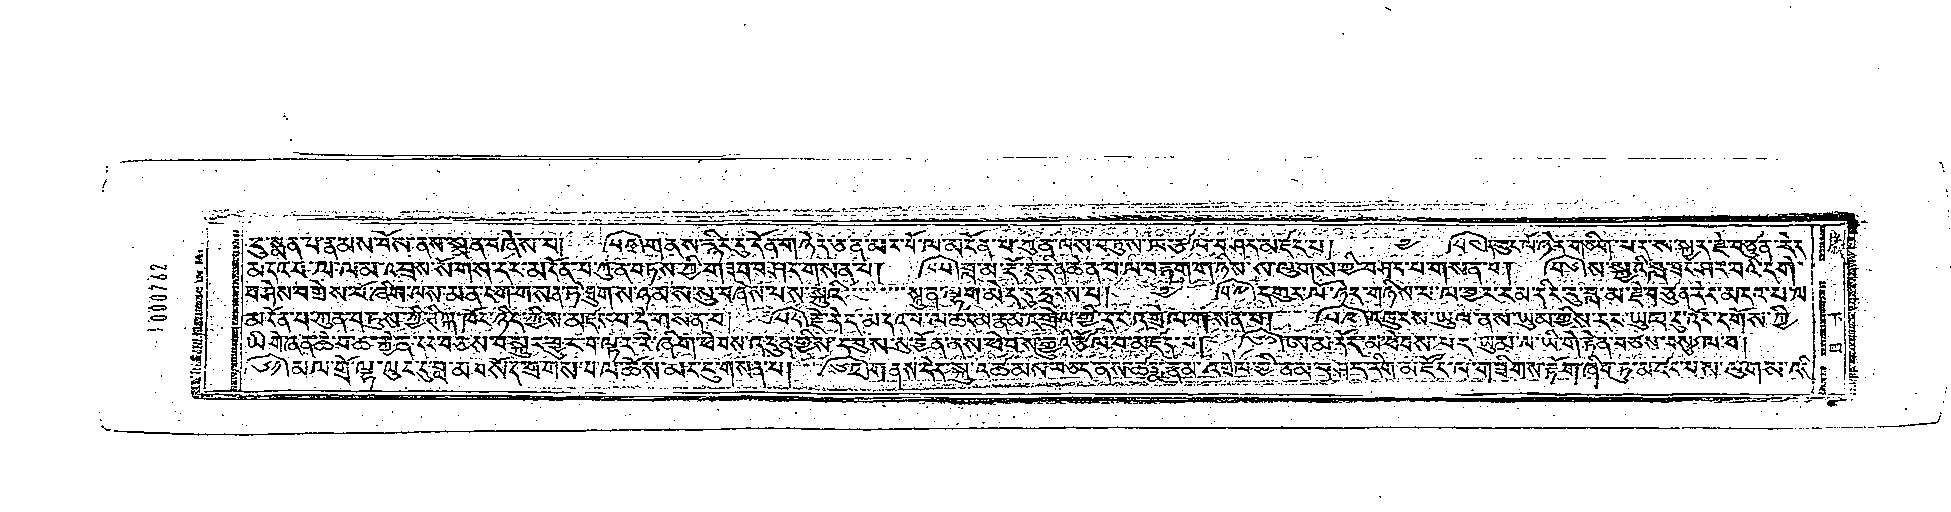དུ་སྨན་པ་རྣམས་བོས་ནས་སྨན་བཞེས་པ། ༼༥༣?་གནས་རྙིང་དུ་དོན་གཉེར་ཅན་མང་པོ་ལ་མངོན་པ་ཀུན་ལས་བཏུས་ལ་རྩལ་བཤད་མཛད་པ། ༧་༽༥༤?་དགུང་ལོ་ཉེར་གཅིག་པད་ས་སྐྱར་རྗེ་བཙུན་རེང་
མདའ་བ་ལ་ལམ་འབྲས་སོགས་དང་མངོན་པ་ཀུན་བཏས་ཀྱི་གཟབ་བཤད་གསན་པ། ༼༥༥?་བླ་མ་རྡོ་རྗེ་རིན་ཆེན་པ་ལ་བརྟག་གཉིས་ས་ལུགས་ཀྱི་བཤད་པ་གསན་པ། ༽༥༦?་ས་སྐྱའི་བླ་བྲང་ཤར་བའི་དགེ་
བཤེས་བགྲེས་པོ་ཞིག་ལས་མན་ངག་གསན་ཏེ་ཐུགས་ཉམས་སུ་བཞེས་པས་སྐུའི་སྣུན་ལྷག་མེད་དུ་དྭངས་པ། ༧ ༥༧?་དགུང་ལོ་ཉེར་གཉིས་པ་ལ་བྱང་ངམ་རིང་དུ་བླ་མ་རྗེ་བཙུན་རེད་མདའ་པ་ལ་
མངོན་པ་ཀུན་བཏུས་ཀྱི་ཊིཀྐ་ཁོང་ཉིད་ཀྱིས་མཛད་པ་དེ་གསན་པ། ༼༥༨?་རྗེ་རེད་མདའ་པ་ལ་ཚད་མ་རྣམ་འགྲེལ་གྱི་རང་འགྲེལ་གསན་པ། ༽༥༩?་འཁྲུངས་ཡུལ་ནས་ཡུམ་གྱིས་རང་ཡུལ་དུ་འོང་དགོས་ཀྱི་
ཡི་གེ་ཞན་ཆེ་བ་ཆ་རྐྱེན་དང་བཅས་བསྐུར་བྱུང་བ་ལྟར་རེ་ཞིག་ཕེབས་འདུན་གྱིས་དབུས་སུ་བྱོན་ནས་ཕེབས་རྒྱུའི་རྩོལ་བ་མཛད་པ། ༦༠?་ཨ་མདོར་མ་ཕེབས་པར་ཡུམ་ལ་ཡི་གེ་རྟེན་བཅས་བསྩལ་བ།
༼༦༡?་མལ་གྲོ་ལྷ་ལུང་དུ་བླ་མ་བསོད་གྲགས་པ་ལ་ཆོས་མང་དུ་གསན་པ། ༽༦༢?་གནས་དེར་སྐུ་འཚམས་བཅད་ནས་ཚད་མ་རྣམ་འགྲེལ་གྱི་རྣམ་བཤད་རིག་མཛོད་ལ་གཟིགས་རྟོག་ཞིབ་ཏུ་མཛད་པས་ལུགས་འདི་